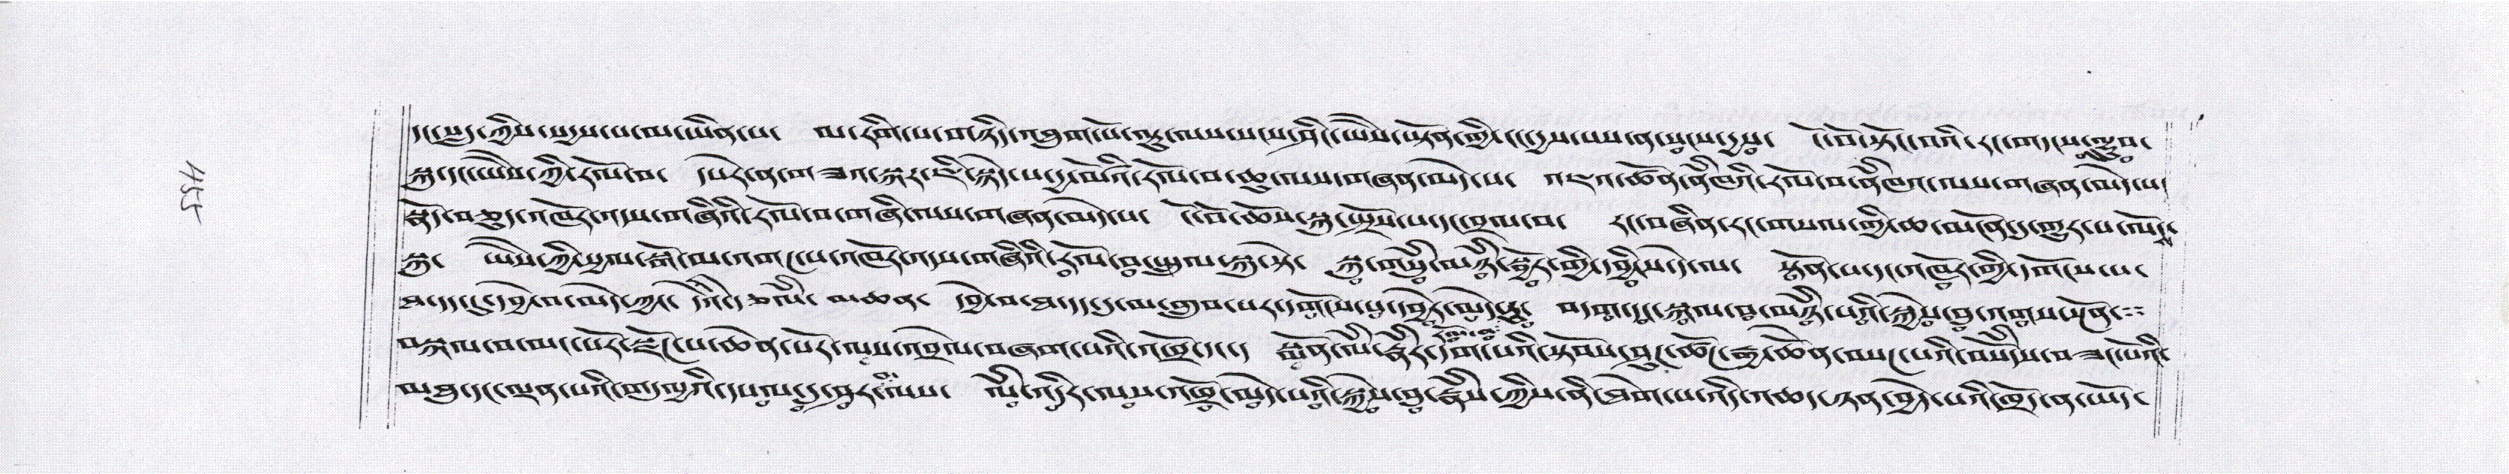དང་སླད་ཀྱིས་སངས་རྒྱས་པ་མ་ཡིན་པ། མ་རིག་པ་གཉིད་མཐུག་པོ་ལྟ་བུ་ལས་སངས་ཤིང་ཡེ་ཤེས་ཡོན་ཏན་གྱི་ངང་རྒྱས་པས་ན་སངས་རྒྱས། ངོ་བོ་སྟོང་པའི་རང་གདངས་ལྷུན་གྲུབ་
སྐུ་དང་ཡེ་ཤེས་རོལ་པ། དཔེར་ན་གཟའ་སྐར་ཇི་སྙེད་པ་རྒྱ་མཚོའི་རོལ་པ་ཆུ་ལས་གཞན་མེད་པ། འཇའ་ཚོན་ནམ་མཁའི་རོལ་པ་ནམ་མཁའ་ལས་གཞན་མེད་པ། 
སྣོད་བཅུད་འཁོར་འདས་གཞིའི་རོལ་པ་གཞི་ལས་གཞན་མེད་པ། ངོ་བོ་ཆོས་སྐུ་སྤྲོས་པ་དང་བྲལ་བ། རང་བཞིན་རང་གསལ་གྱི་ཆ་མངོན་དུ་གྱུར་པ་ལོངས་
སྐུ། ཡེ་ཤེས་ཀྱི་གསལ་སྒོ་མ་འགག་པ་འཁོར་འདས་གཞིའི་རོལ་པ་སྤྲུལ་སྐུ་སྟེ། སྐུ་གསུམ་མཉམ་སྦྱོར་གྱི་དབྱིངས་དེ་ལ་སྟོན་པ་དང་འཁོར་གྱི་དགོངས་པ་
ཐ་དད་དུ་དབྱེ་བ་མེད་ཀྱང་། དེའི་རྩལ་ལམ་༼མཆན༽དབྱེ་བ་ཐ་དད་དུ་མ་གྲུབ་པར་དགོངས་པ་དབྱེར་མེད་རུ། བདག་དང་སྐལ་པ་མཉམ་པའི་སྐྱེས་བུ་འགས་སྔོན་
བསྐལ་པ་མང་པོར་རྫོགས་པ་ཆེན་པོར་ལས་འབྲེལ་བཞག་པའི་འཕྲོ་དང་། སྨོན་ལམ་རྣམ་པར་དག་པའི་སྟོབས་ཤུགས་ཚོགས་རྒྱ་ཆེན་པོ་བསགས་པའི་བསོད་ནམས་བཟང་པོའི་
མཐུ་དང་ལྡན་པའི་གདུལ་བྱའི་དཔལ་དུ་ཤར་བ་ལས། ལམ་འདིར་ལས་འཕྲོ་མེད་པའི་སྐྱེས་བུ་རྣམས་ཀྱིས་ནི་ཐེག་པ་འདི་འཆད་ཉན་བྱེད་པའི་ཁྲོད་ན་ཡོད་